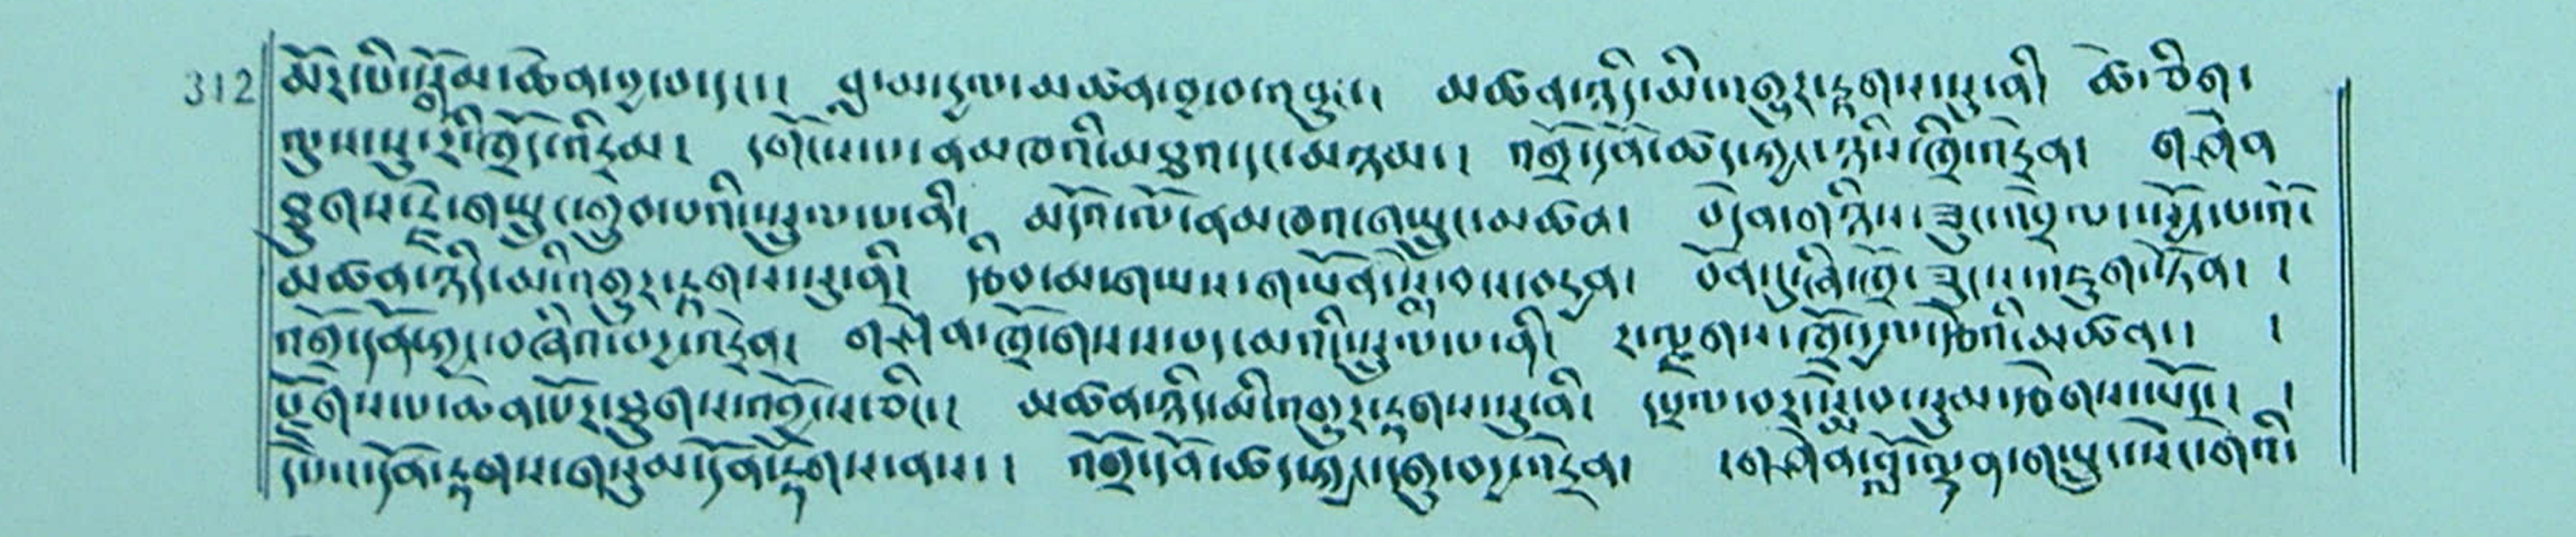མོར་པི་སྒོམ་ཆེན་བྱ་བ་དང་། བླ་མ་རྒྱལ་མཚན་བྱ་བ་འབྱུང་། མཚན་ཉིད་མི་འགྱུར་རྟགས་སུ་ནི། ཚེ་གཅིག་
ལུས་སུ་རི་ཁྲོད་འགྲིམས། དགོངས་པ་ནམ་མཁའི་མཐའ་དང་མཉམ། འགྲོ་དོན་ཚད་ཀྱང་ཉིས་ཁྲི་འདྲེན། གཤེན་
ཐུགས་རྗེ་གཡུང་དྲུང་གྲུབ་པའི་སྤྲུལ་པ་ནི། མདོ་ལ་ནམ་མཁའ་གཡུང་དྲུང་མཚན། བདེན་གཉིས་ཟུང་འབྲེལ་སྤྱོད་པ་འོང་། 
མཚན་ཉིད་མི་འགྱུར་རྟགས་སུ་ནི། རྩིབ་མ་གཡས་གཡོན་སྨེ་བས་བརྒྱན། བོན་དུ་ཞི་ཁྲོ་ཟུང་འཇུག་སྟོན། 
འགྲོ་དོན་ཚད་ཀྱང་བཞི་བརྒྱ་འདྲེན། གཤེན་ཁྲོ་གསས་པད་མའི་སྤྲུལ་པ་ནི། ར་ལྗགས་ཁྲོ་རྒྱལ་རྩེའི་མཚན། 
རྫོགས་པ་ཆེན་པོའི་ཐུགས་འབྱོངས་ཅིང་། མཚན་ཉིད་མི་འགྱུར་རྟགས་སུ་ནི། དཔྲལ་པར་སྨེ་བ་སུམ་བརྩིགས་ཡོད། 
དཔེའ་དོན་རྟགས་གསུམ་དོན་རྟོགས་ནས། འགྲོ་དོན་ཚད་ཀྱང་དགུ་བརྒྱ་འདྲེན། གཤེན་བློ་ལྡན་གཡུང་དྲུང་སེང་གེའི་